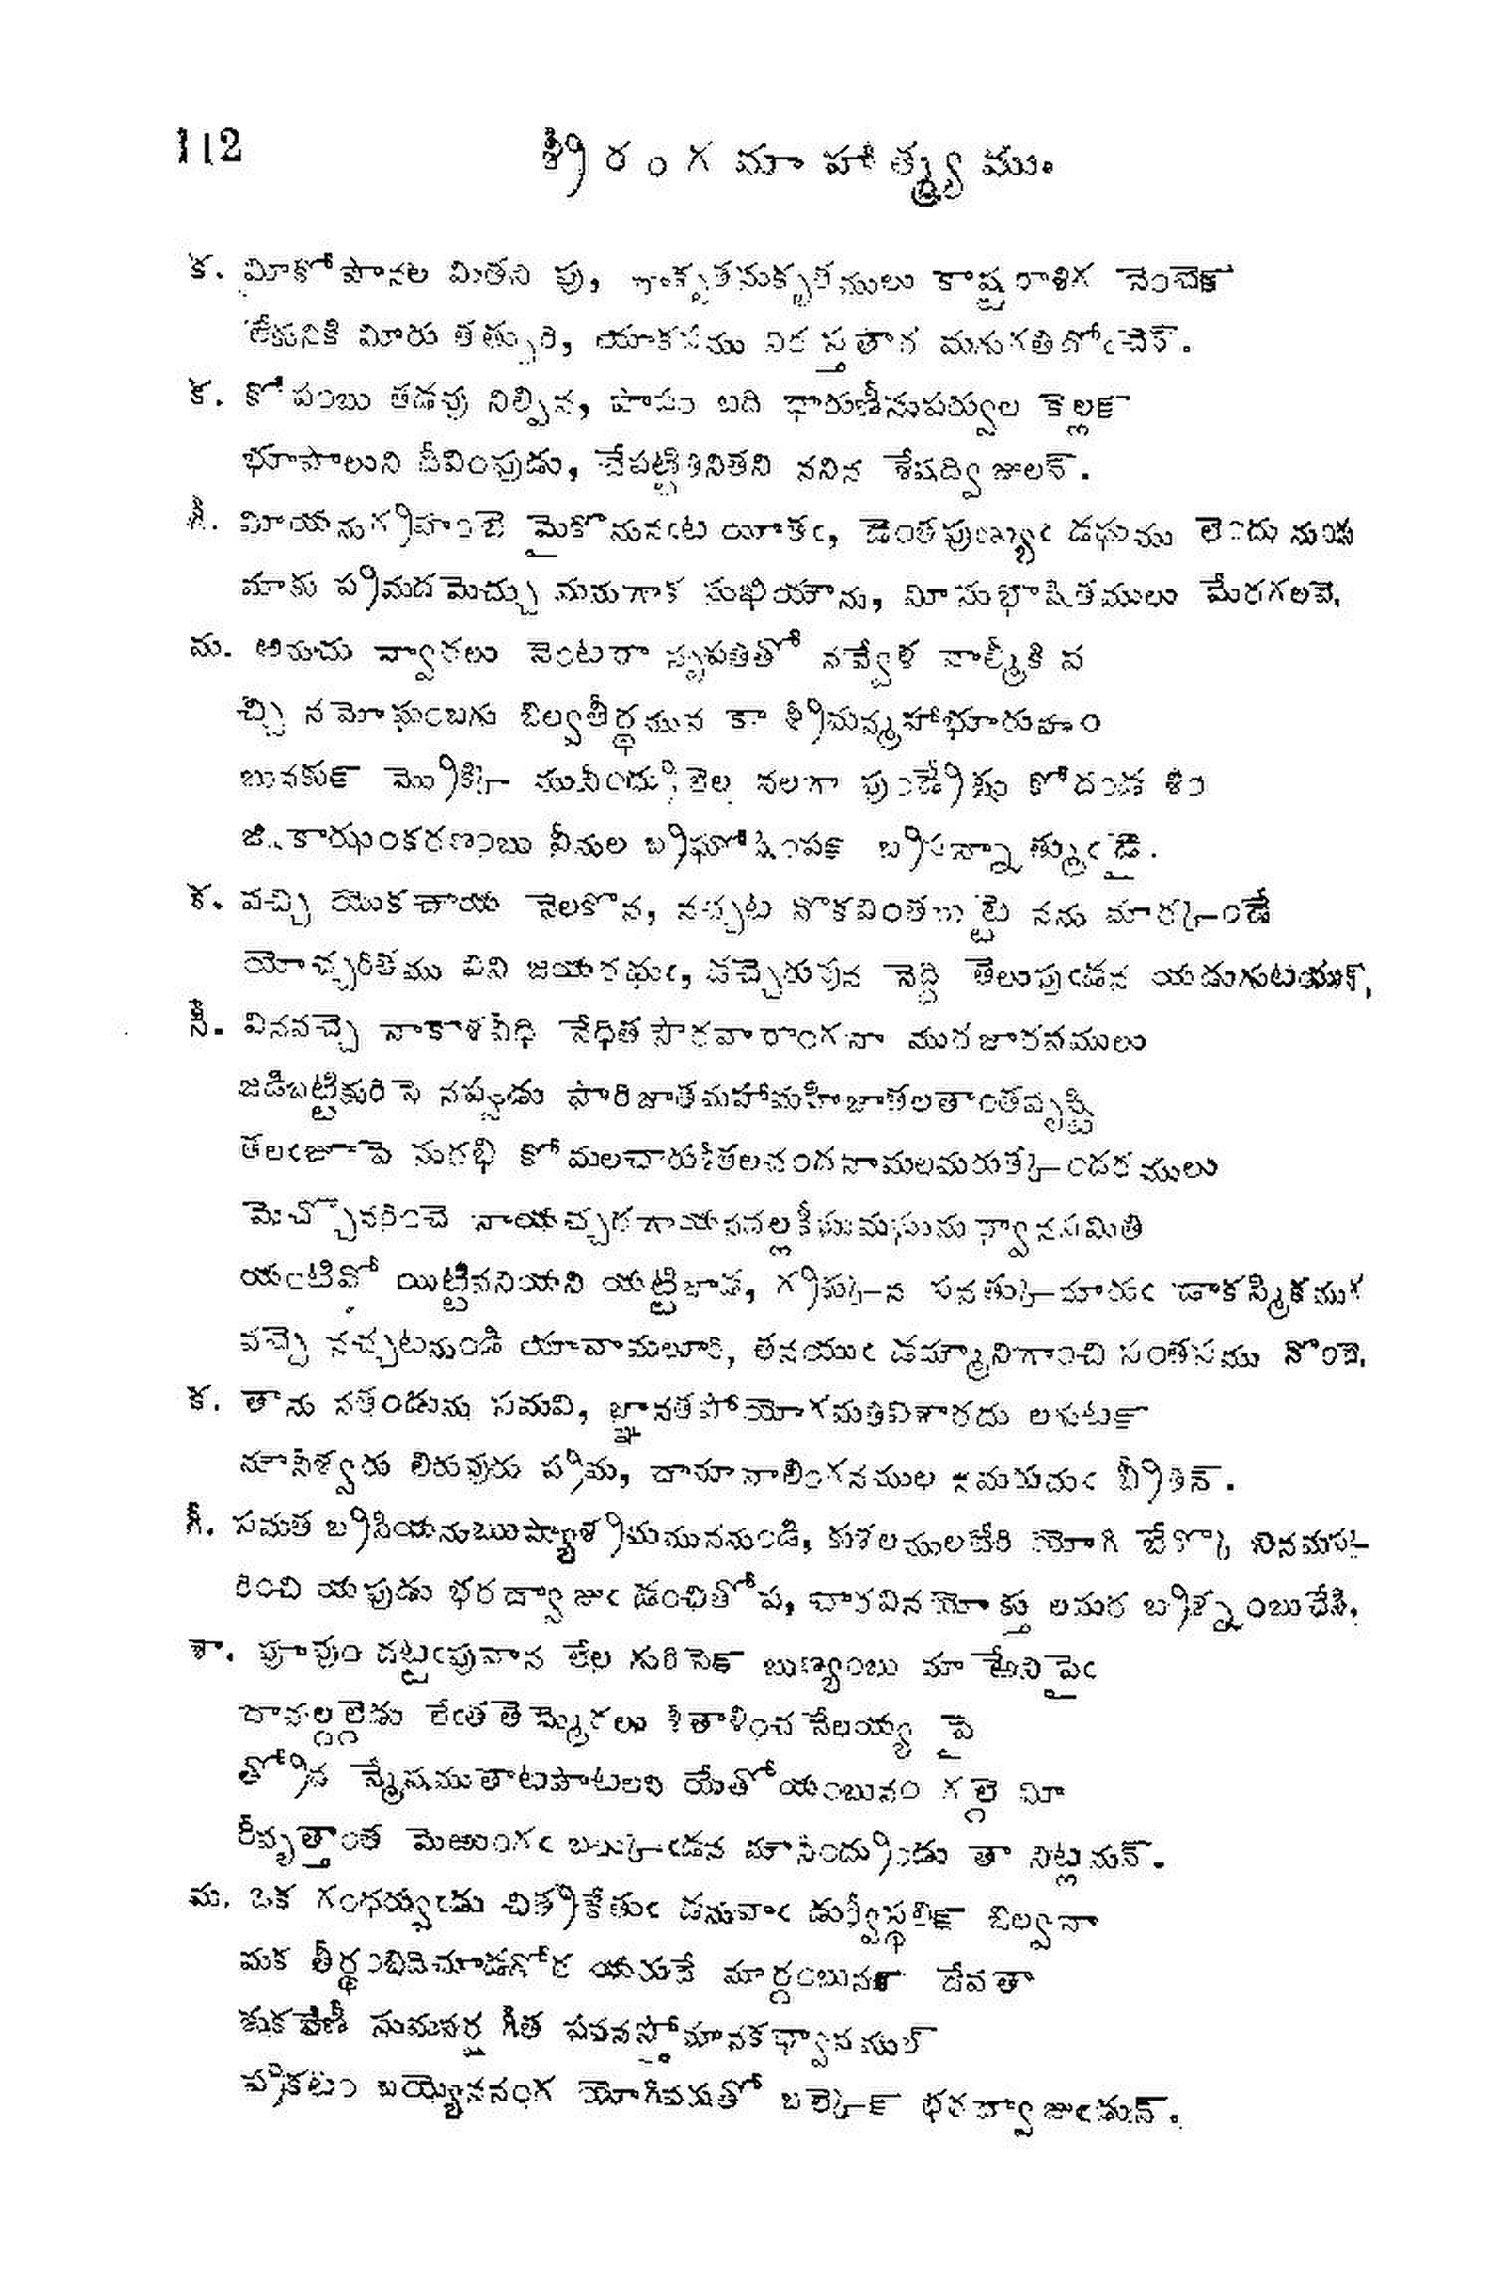క. మాకోపానల మితని పు, రాకృసుకృతములు కాష్టరాశిగ నెంచెన్
 లేకునికి మీరు తత్పురి, యాకసము నిరస్తతార మగుగతి దోఁచెన్.
క. కోపంబు తడవు నిల్పిన, పాపం బది ధారుణీసుపర్వుల కెల్లన్
 భూపాలుని దీవింపుడు, చేపట్టితి నితని ననిన శేషద్విజులన్.
గీ. మీయనుగ్రహంబె మైకొనునఁట యీతఁ, డెంక పుణ్యుఁ డఘము లెందు నుండు
 మాకు ప్రమద మెచ్చు మను గాక సుఖియౌను, మీసుభాషితములు మేరగలవె.
మ. అనుచు న్వారలు వెంటరా నృపతితో నవ్వేళ వాల్మీకి వ
 చ్చి నమోఘంబగు బిల్వతీర్థమున కా శ్రీమన్మహాభూరుహం
 బునకున్ మ్రొక్కి మునీంద్రులెల్ల నలగా పుండ్రేక్షు కోదండ శిం
 జికాఝంకరణంబు వీనుల బ్రఘోషింపన్ బ్రసన్నాత్ముఁడై.
క. వచ్చి యొకచాయ నెలకొన, నచ్చట నొకవింత బుట్టె నను మార్కండే
 యోచ్చరీతము విని జయరథుఁ, డచ్చెరువున నెద్ది తెలుపుఁడన యడుగుటయున్.
సీ. విననచ్చె నాకాశవీథి నేధితసౌరవారాంగనా మురజారనములు
 జడిబట్టికురిసె నప్పుడు పారిజాతమహామహిజాతలతాంతవృష్టి
 తలఁజూపె సురఖి కోమలచారుశీతలచందనామలమరుత్కందరములు
 మెచ్చొనరించె నాయచ్చరగాయనవల్లకీఘుమఘుమధ్వానసమితి
 యంటివో యిట్టివనియని యట్టిజాడ, గ్రక్కున సనత్కుమారుఁ డాకస్మికముక
 వచ్చె నచ్చటనుండి యావామలూరి, తనయుఁ డమ్మౌని గాంచి సంతసము నొందె.
క. తాను నతండును సమవి, జ్ఞానతపోయోగమతివిశారదు లగుటన్
 మౌనీశ్వరు లిరువురు ప్రమ, దానూనాలింగనముల నమరుచుఁ బ్రీతిన్.
గీ. సమత బ్రసియనుఋష్యాశ్రమముననుండి, కుశలములదేరి యోగి బేర్కొని నమస్క
 రించి యపుడు భరద్వాజుఁ డంచితోప, చారవినయోక్తు లమర బ్రశ్నంబు చేసి.
శా. పూవుం దట్టఁపువాన లేల గురిసెన్ బుణ్యంబు మాఱేనిపైఁ
 దావ ల్గల్గెడు లేఁతతెమ్మెరలు శీతాళించనేలయ్య పై
 త్రోవ న్మేషముతాటపాటలని యేతోయంబునం గల్గె మీ
 రీవృత్తాంత మెఱుంగఁ బల్కుఁడన మౌనీంద్రుండు తా నిట్లనున్.
మ. ఒక గంధర్వుడు చిత్రకేశుఁ డసువాఁ డుర్వీస్థలిన్ బిల్వనా
 మక తీర్థం బిది చూడగోర యరుదే మార్గంబునన్ దేవతా
 శుకవేణీ సుమవర్ష గీత పననస్తోమానకధ్వానముల్
 ప్రకటం బయ్యెననంగ యోగివరుతో బల్కెన్ భరద్వాజుఁడున్.